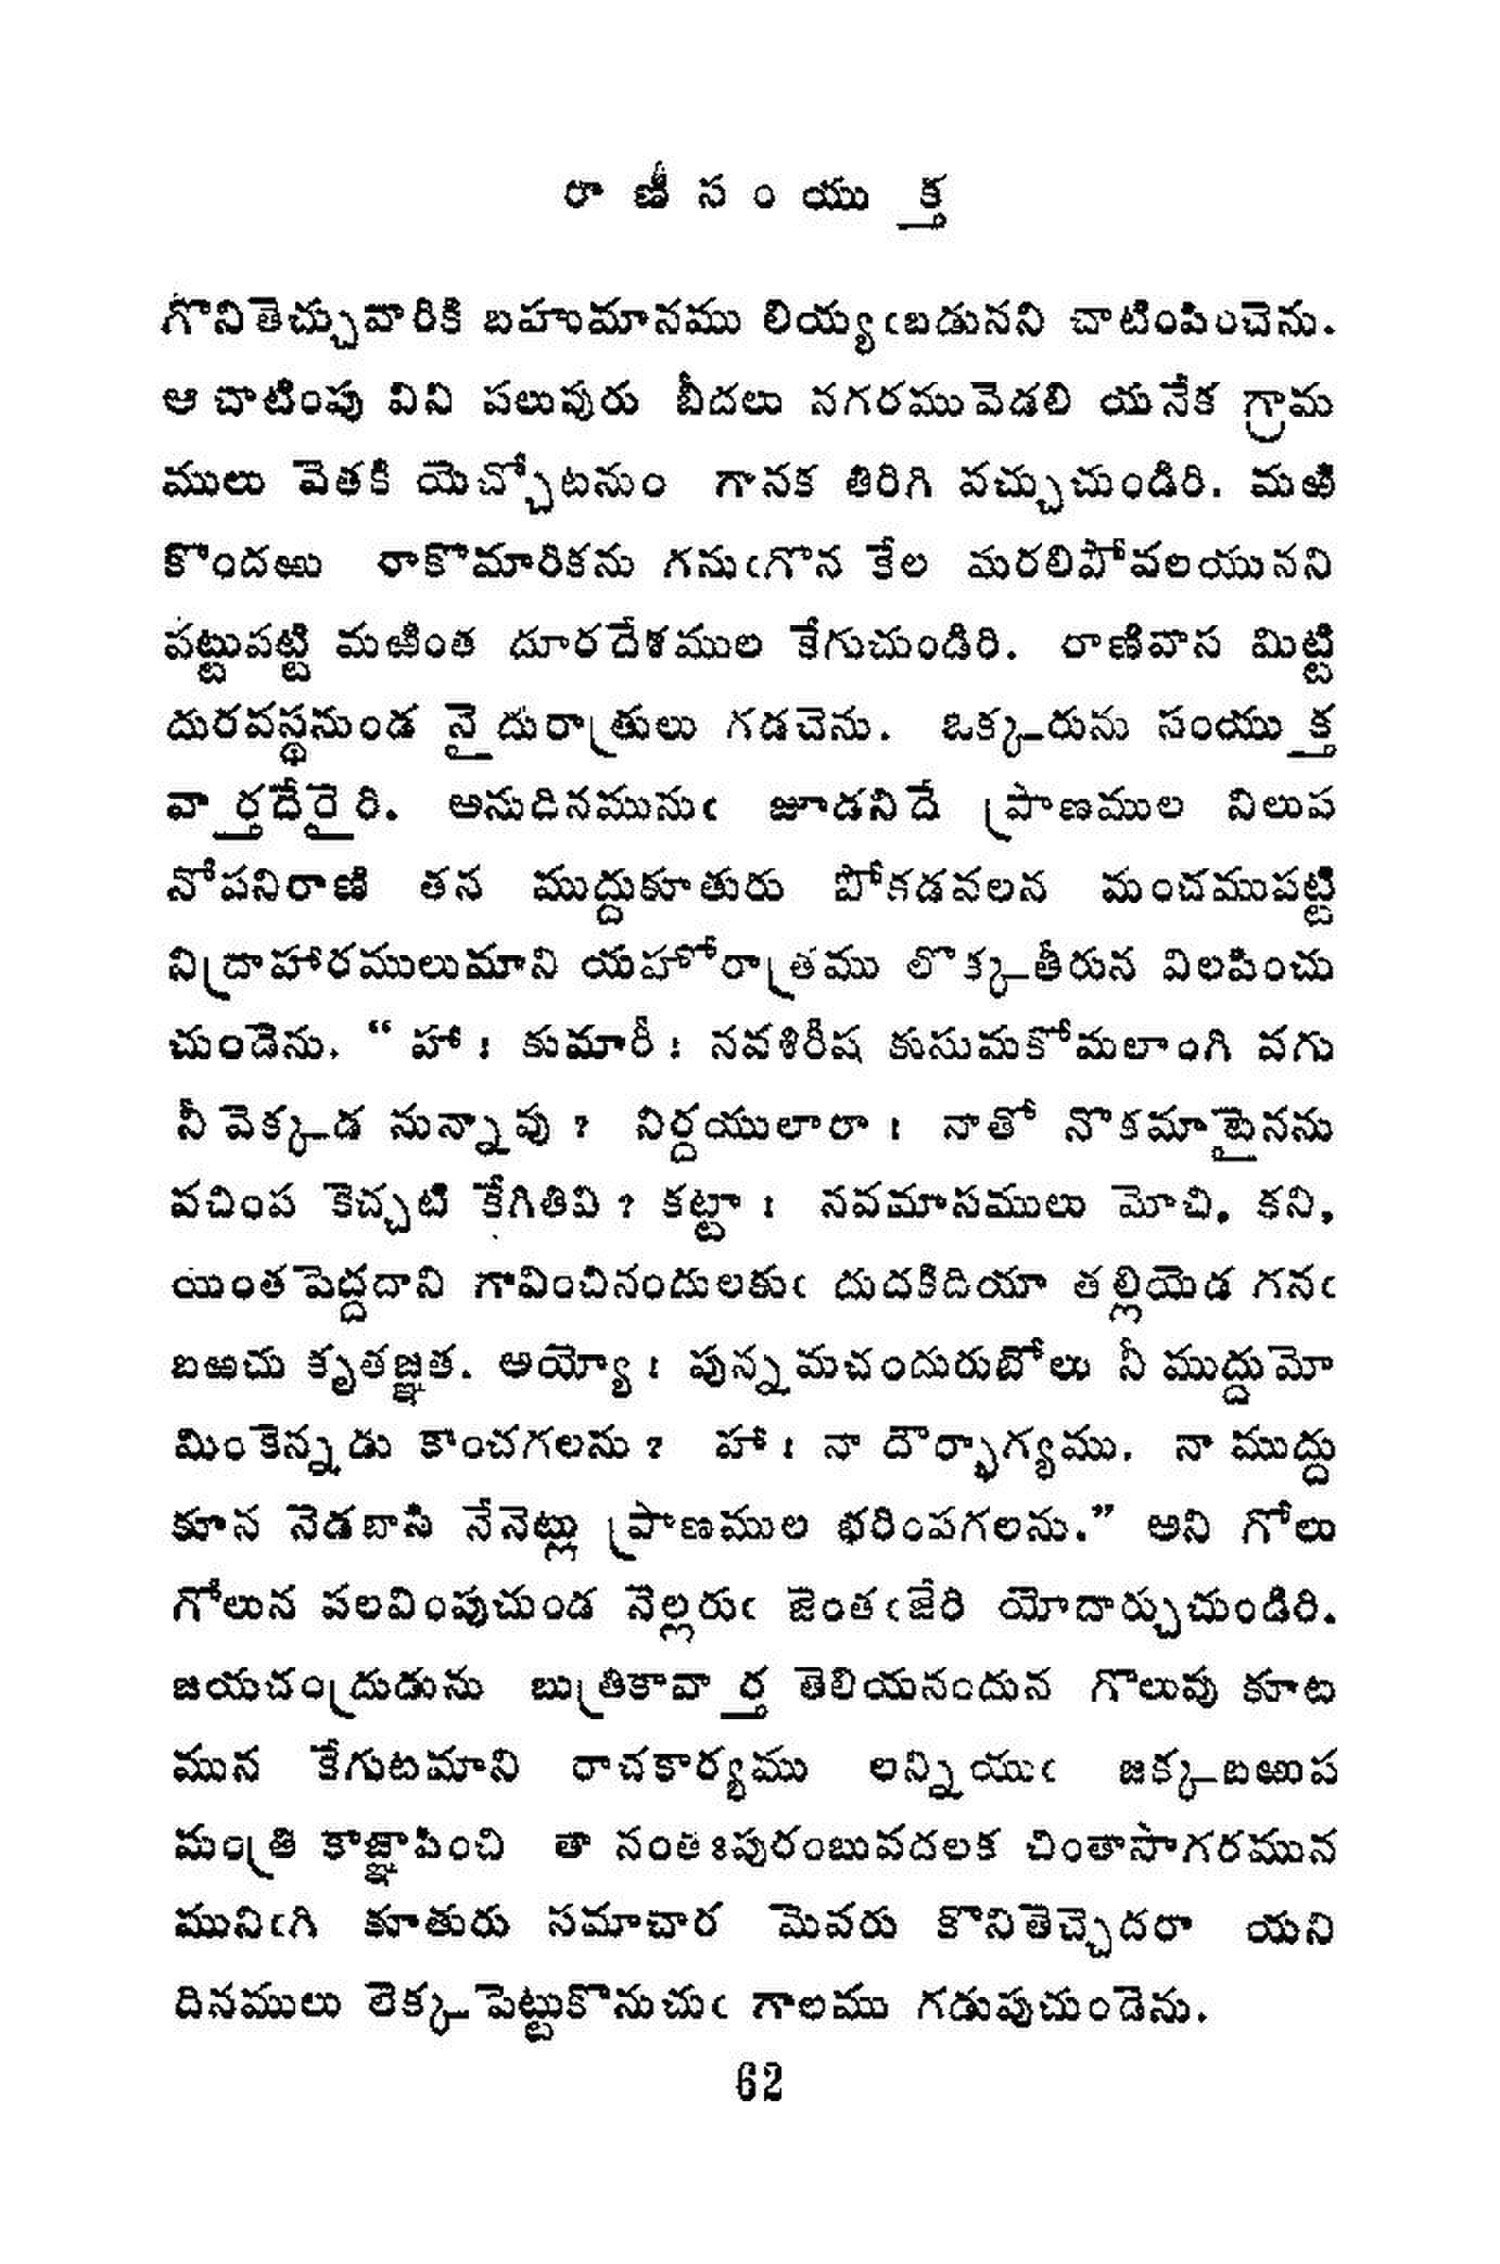గొనితెచ్చువారికి బహుమానము లియ్యబడునని చాటింపించెను. ఆ చాటింపు విని పలువురు బీదలు నగరము వెడలి యనేక గ్రామములు వెతకి యెచ్చోటనుం గానక తిరిగి వచ్చుచుండిరి. మఱికొందఱు రాకొమారికను గనుఁగొన కేల మరలిపోవలయునని పట్టుపట్టి మఱింత దూరదేశముల కేగుచుండిరి. రాణివాస మిట్టి దురవస్థనుండ నైదురాత్రులు గడచెను. ఒక్కరును సంయుక్త వార్తదేరైరి. అనుదినమునుఁ జూడనిదే ప్రాణముల నిలుప నోపనిరాణి తన ముద్దుకూతురు పోకడవలన మంచముపట్టి నిద్రాహారములుమాని యహోరాత్రము లొక్కతీరున విలపించుచుండెను. "హా ! కుమారీ! నవశిరీష కుసుమకోమలాంగి వగు నీ వెక్కడ నున్నావు? నిర్దయులారా! నాతో నొకమాటైనను వచింప కెచ్చటి కేగితివి? కట్టా ! నవమాసములు మోచి. కని, యింతపెద్దదాని గావించినందులకుఁ దుదకిదియా తల్లియెడ గనఁబఱచు కృతజ్ఞత. అయ్యో ! పున్నమచందురుబోలు నీ ముద్దుమో మింకెన్నడు కాంచగలను ? హా ! నా దౌర్భాగ్యము. నా ముద్దు కూన నెడబాసి నేనెట్లు ప్రాణముల భరింపగలను." అని గోలు గోలున వలవింపుచుండ నెల్లరుఁ జెంతఁజేరి యోదార్చుచుండిరి. జయచంద్రుడును బుత్రికావార్త తెలియనందున గొలువు కూటమున కేగుటమాని రాచకార్యము లన్నియుఁ జక్కబఱుప మంత్రి కాజ్ఞాపించి తా నంతఃపురంబువదలక చింతాసాగరమున మునిఁగి కూతురు సమాచార మెవరు కొనితెచ్చెదరా యని దినములు లెక్క పెట్టుకొనుచుఁ గాలము గడుపుచుండెను.